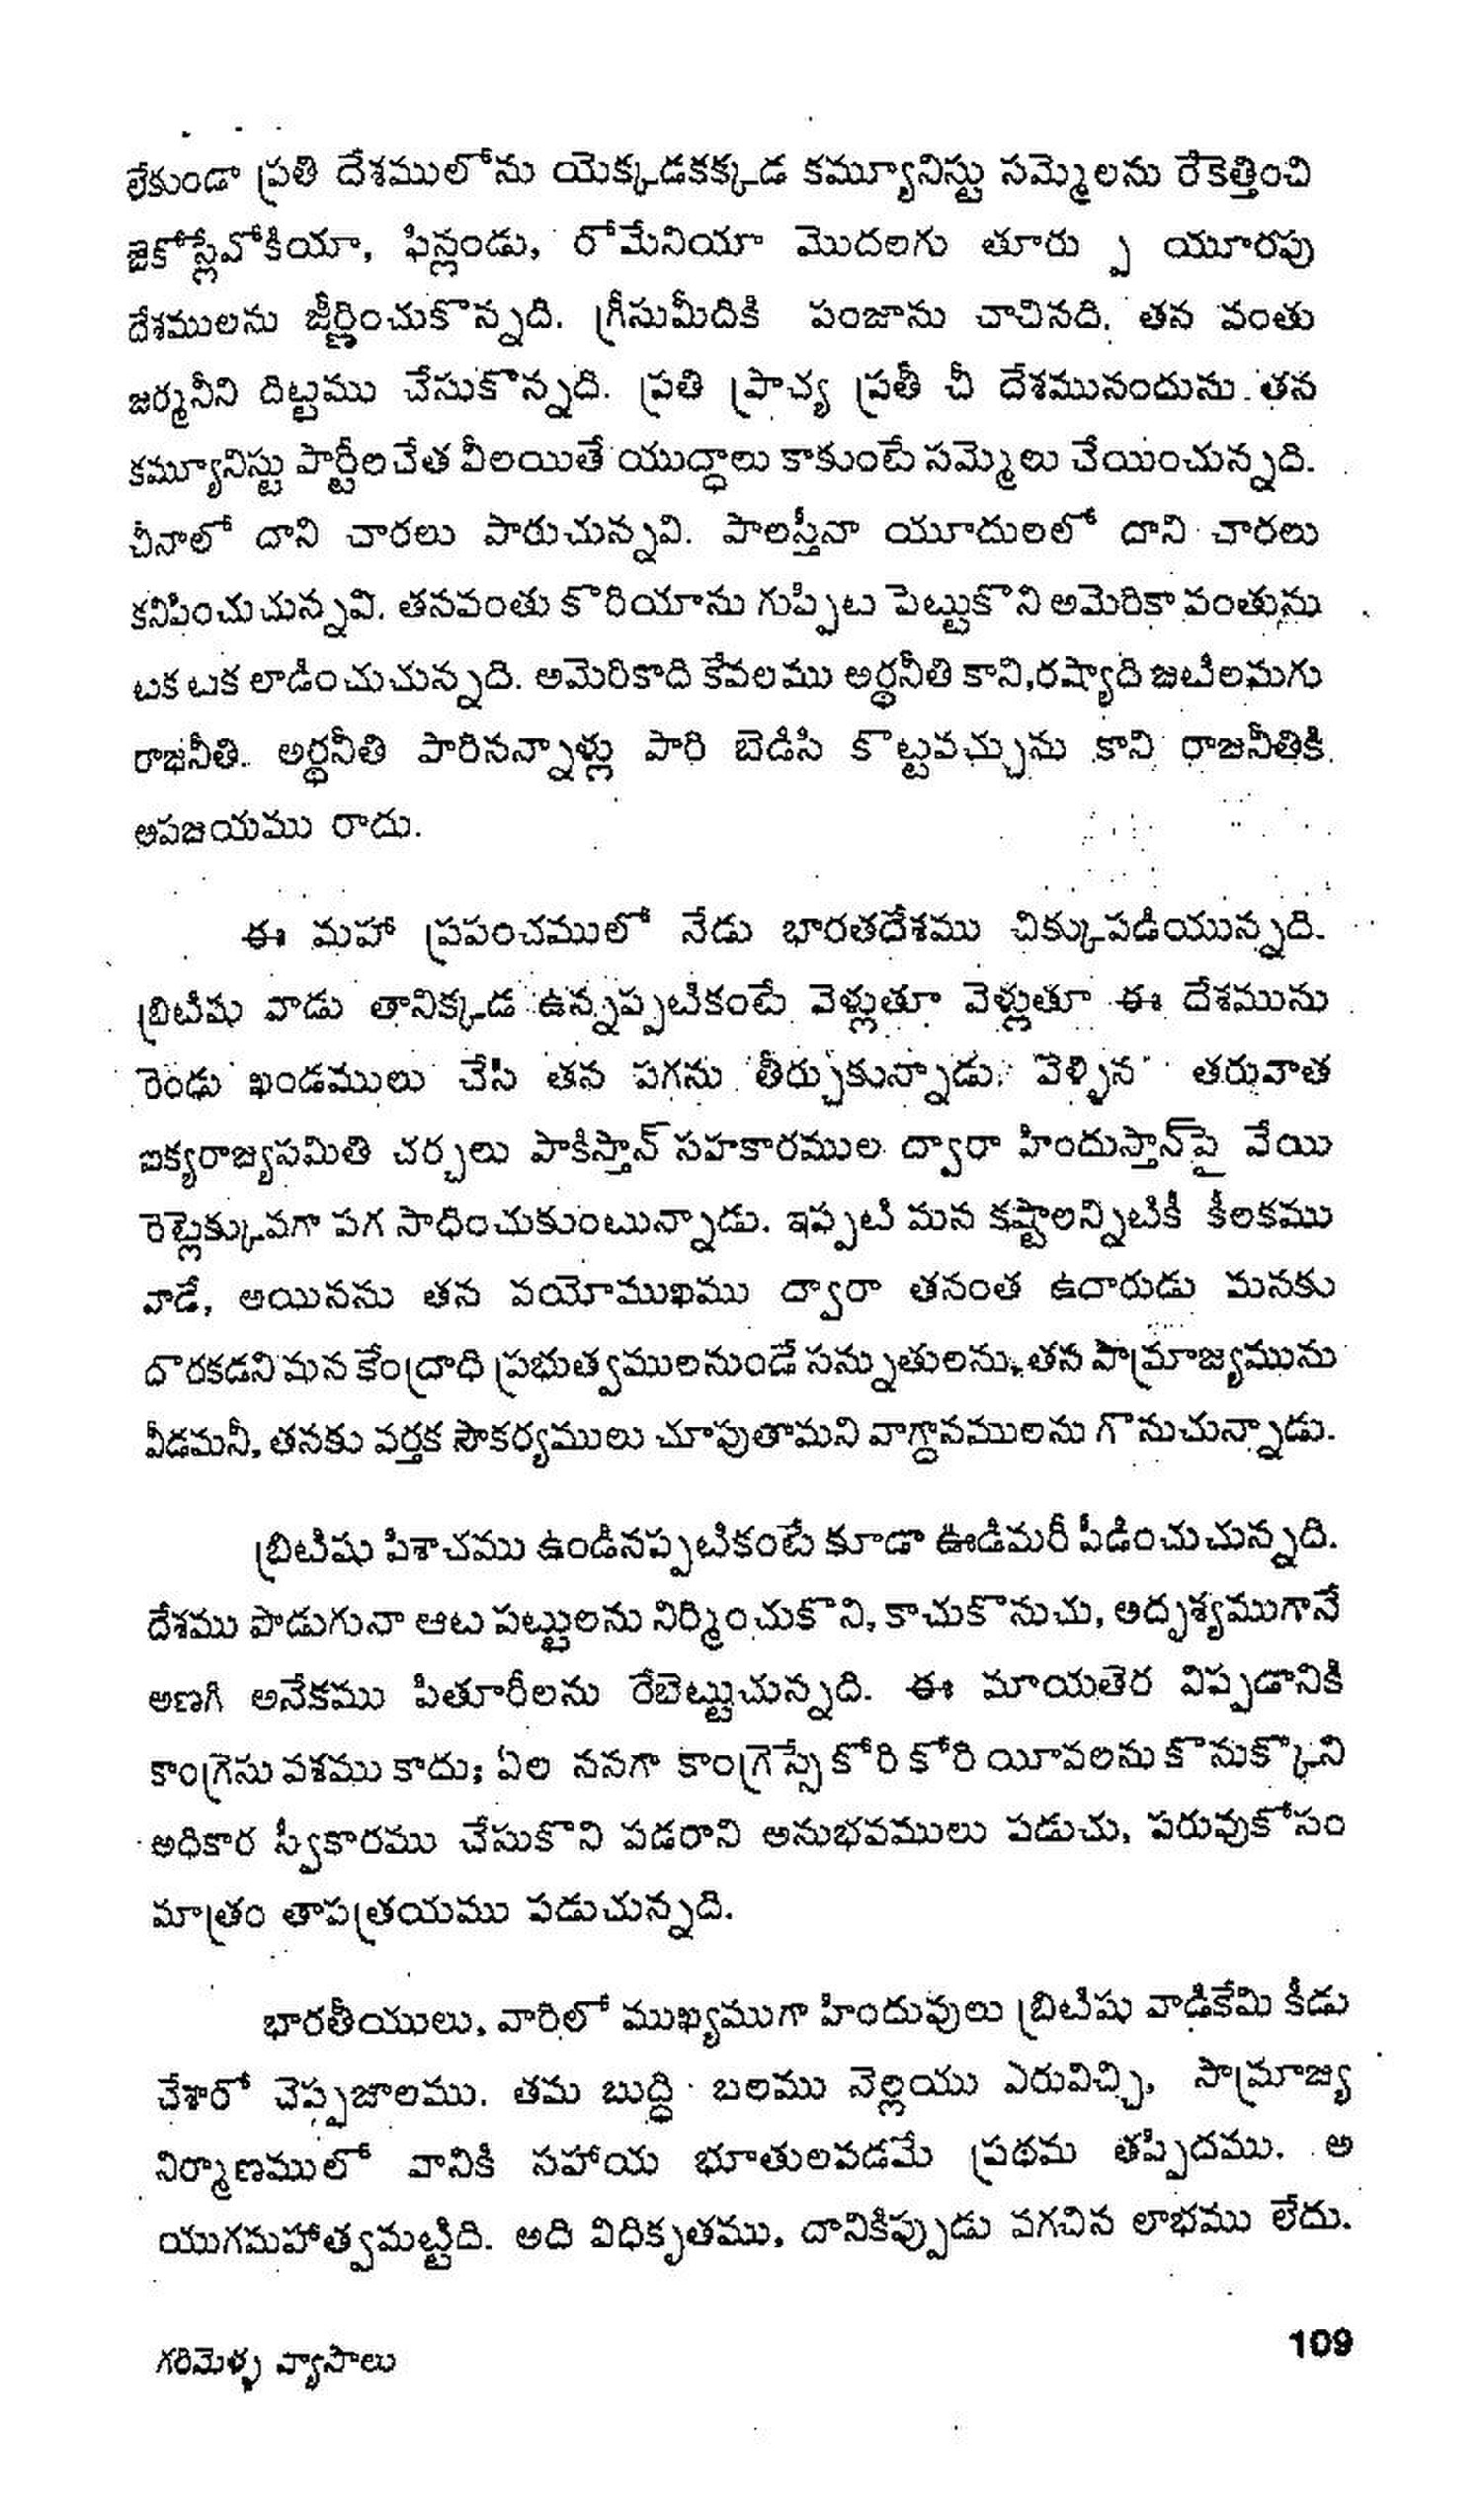లేకుండా ప్రతి దేశములోను యెక్కడకక్కడ కమ్యూనిస్టు సమ్మెలను రేకెత్తించి జెకోస్లేవోకిగా, ఫిన్లండు, రోమేనియా మొదలగు తూర్పు యూరపు దేశములను జీర్ణించుకొన్నది. గ్రీసుమీదికి పంజాను చాచినది. తన వంతు జర్మనీని దిట్టము చేసుకొన్నది. ప్రతి ప్రాచ్య ప్రతీ చీ దేశమునందును తన కమ్యూనిస్టు పార్టీలచేత వీలయితే యుద్ధాలు కాకుంటే సమ్మెలు చేయించుచున్నది. చీనాలో దాని చారలు పారుచున్నవి. పాలస్తీనా యూదులలో దాని చారలు కనిపించుచున్నవి. తనవంతు కొరియాను గుప్పిట పెట్టుకొని అమెరికా వంతును టకటకలాడించుచున్నది. అమెరికాది కేవలము అర్థనీతి కాని, రష్యాది జటిలమగు రాజనీతి. అర్థనీతి పారినన్నాళ్లు పారి బెడిసి కొట్టవచ్చును కాని రాజనీతికి అపజయము రాదు.

ఈ మహా ప్రపంచములో నేడు భారతదేశము చిక్కుపడియున్నది. బ్రిటిషు వాడు తానిక్కడ ఉన్నప్పటికంటే వెళ్లుతూ వెళ్లుతూ ఈ దేశమును రెండు ఖండములు చేసి పగను తీర్చుకున్నాడు. వెళ్ళిన తరువాత ఐక్యరాజ్యసమితి చర్చలు పాకిస్తాన్ సహకారముల ద్వారా హిందుస్తాన్‌పై వేయిరెట్లెక్కువగా పగ సాధించుకుంటున్నాడు. ఇప్పటి మన కష్టాలన్నిటికీ కీలకము వాడే. అయినను తన వయోముఖము ద్వారా తనంత ఉదారుడు మనకు దొరకడని మన కేంద్రాధి ప్రభుత్వములనుండే సన్నుతులను, తన సామ్రాజ్యమును వీడమనీ, తనకు వర్తక సౌకర్యములు చూపుతామని వాగ్ధానములను గొనుచున్నాడు.

బ్రిటిషు పిశాచము ఉండినప్పటికంటే కూడా ఊడి మరీ పీడించుచున్నది. దేశము పొడుగునా ఆట పట్టులను నిర్మంచుకొని, కాచుకొనుచు, అదృశ్యముగానే అణగి అనేకము పితూరీలను రేబెట్టుచున్నది. ఈ మాయతెర విప్పడానికి కాంగ్రెసు వశము కాదు; ఏల ననగా కాంగ్రెస్సేకోరి కోరి యీవలను కొనుక్కొని అధికార స్వీకారము చేసుకొని పడరాని అనుభవములు పడుచు, పరువుకోసం మాత్రం తాపత్రయము పడుచున్నది.

భారతీయులు, వారిలో ముఖ్యముగా హిందువులు బ్రిటిషు వాడికేమి కీడు చేశారో చెప్పజాలము. తమ బుద్ధి బలము నెల్లయు ఎరువిచ్చి, సామ్రాజ్య నిర్మాణములో వానికి సహాయ భూతులవడమే ప్రధమ తప్పిదము. ఆ యుగమహాత్వమట్టిది. అది విధికృతము. దానికిప్పుడు వగచిన లాభము లేదు.